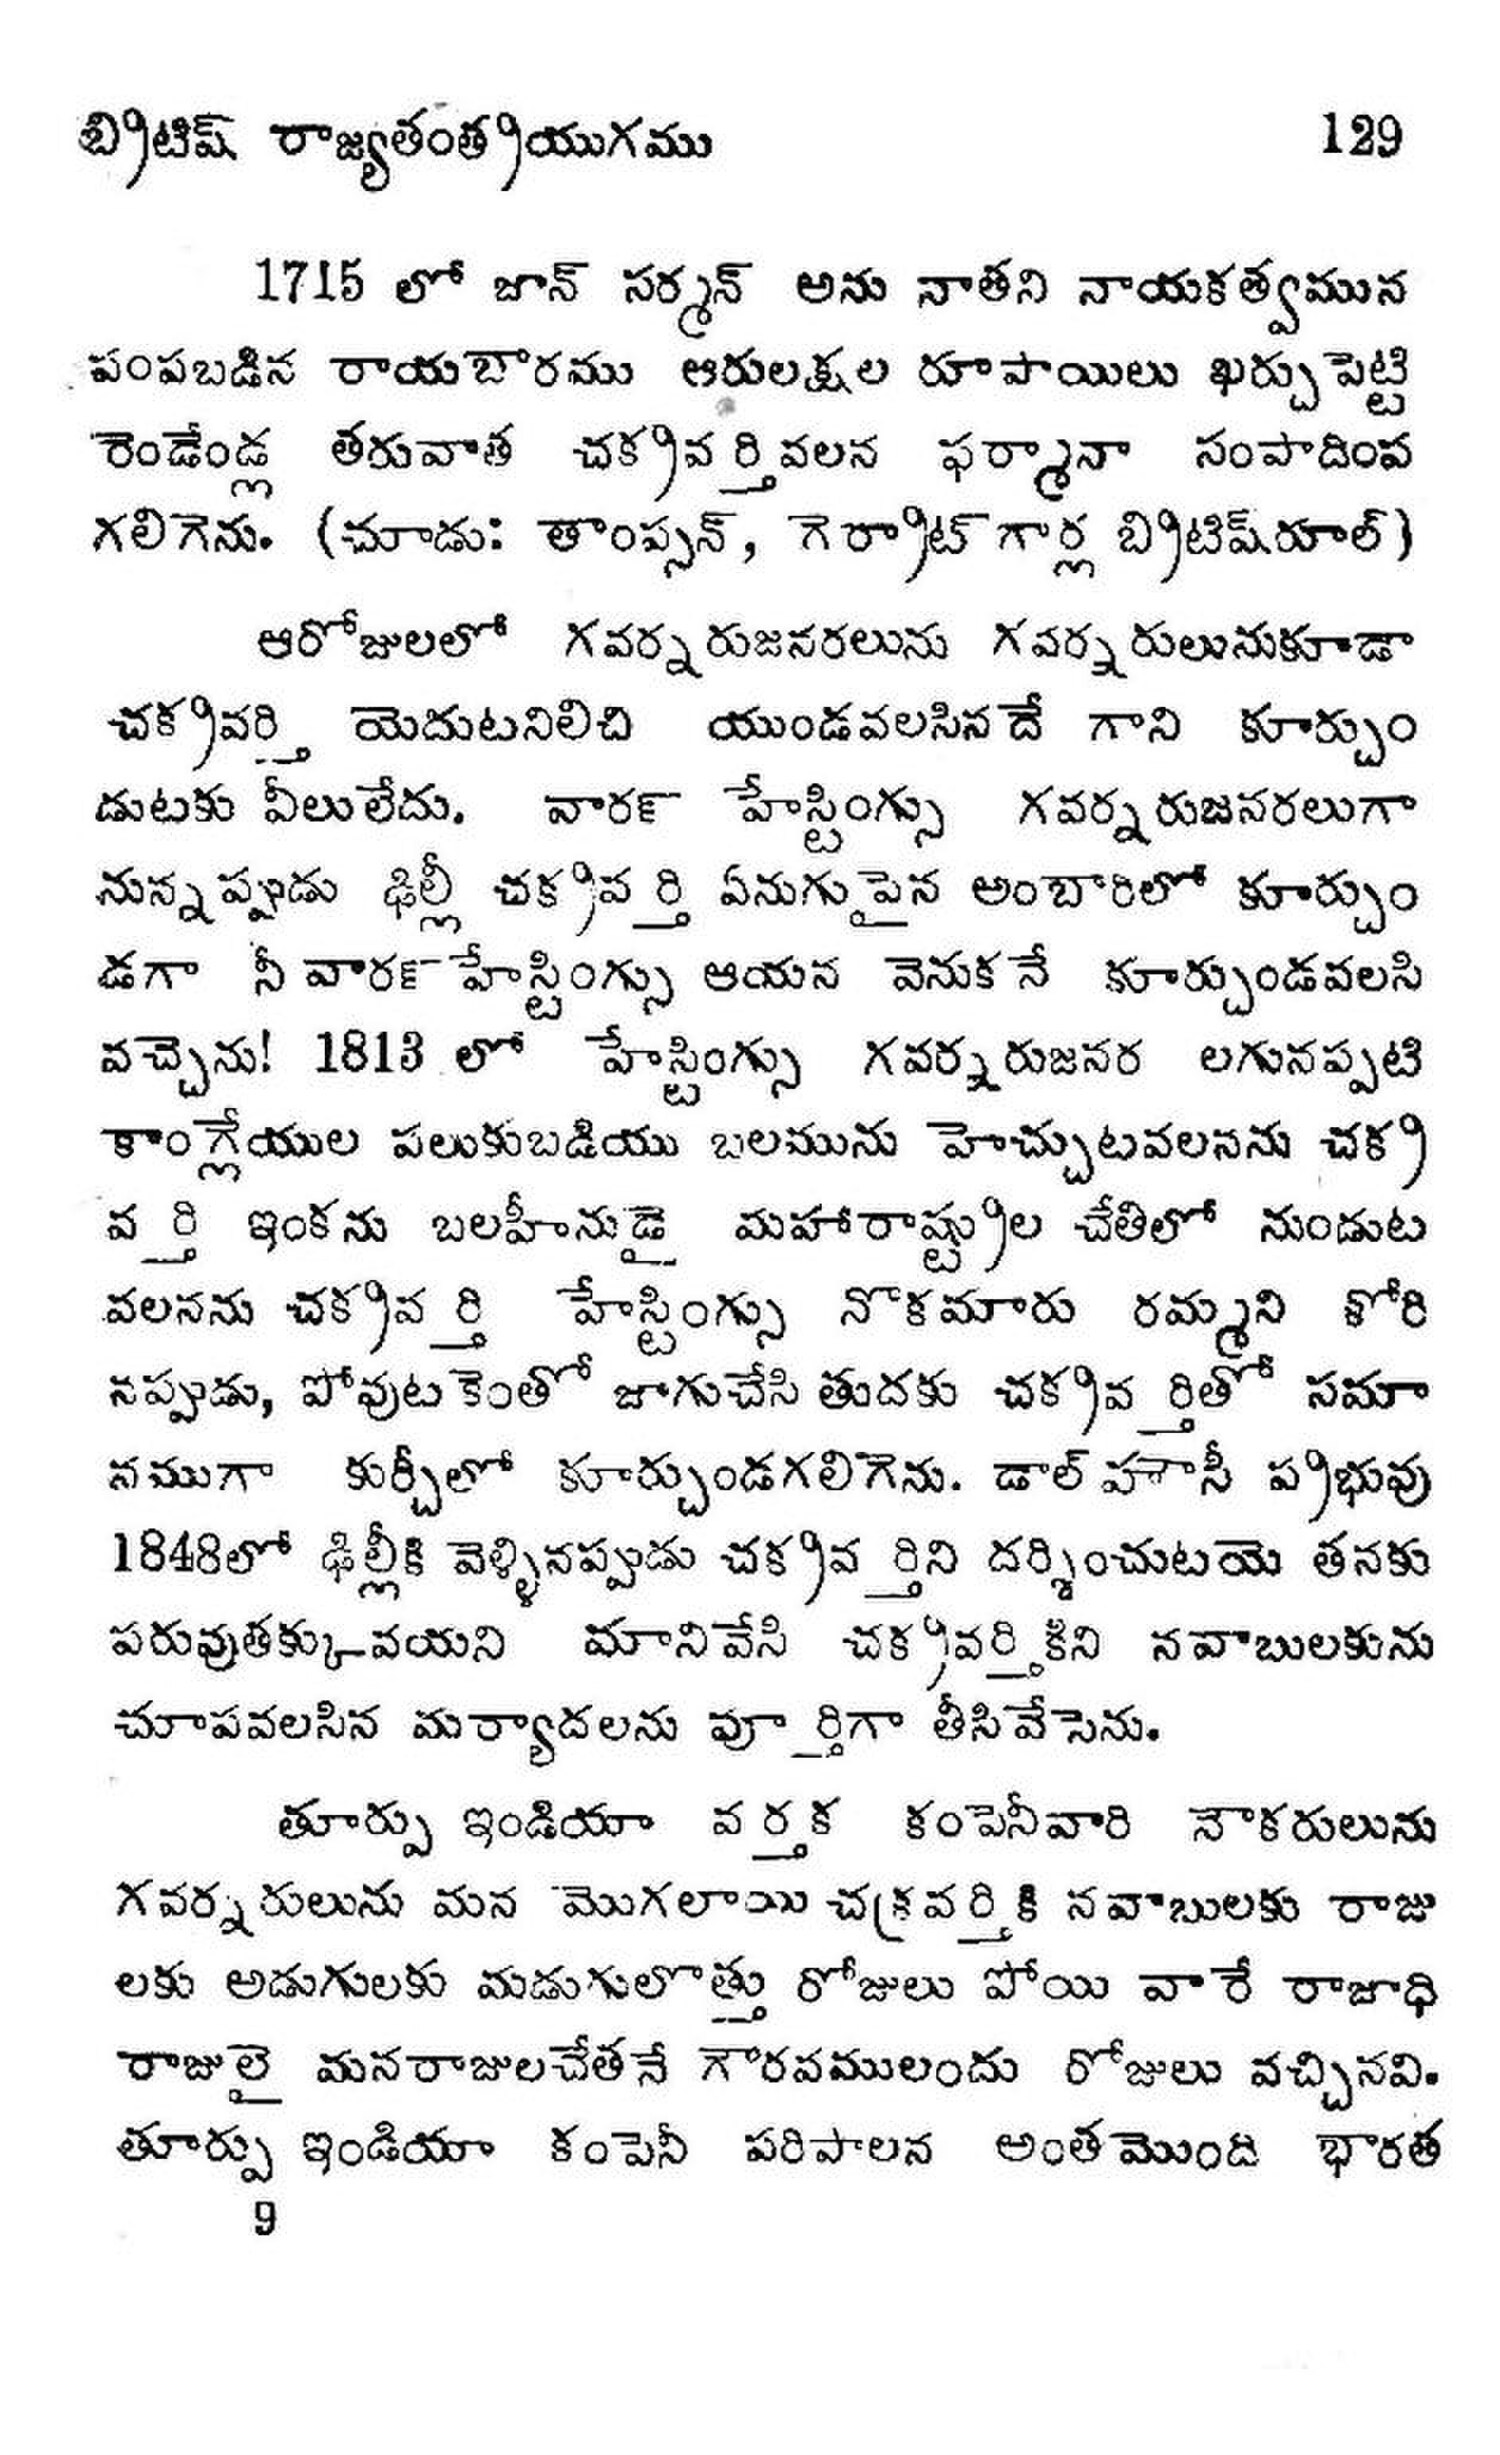1715 లో జాన్ సర్మన్ అను నాతని నాయకత్వమున పంపబడిన రాయబారము ఆరులక్షల రూపాయిలు ఖర్చుపెట్టి రెండేండ్ల తరువాత చక్రవర్తివలన ఫర్మానా సంపాదింవ గలిగెను. (చూడు: తాంప్సన్ , గెర్రాట్ గార్ల బ్రిటిష్ రూల్)

ఆరోజులలో గవర్నరుజనరలును గవర్నరులునుకూడా చక్రవర్తి యెదుటనిలిచి యుండవలసినదే గాని కూర్చుండుటకు వీలులేదు. వార౯ హేస్టింగ్సు గవర్నరుజనరలుగా నున్నప్పుడు ఢిల్లీ చక్రవర్తి ఏనుగుపైన అంబారిలో కూర్చుండగా నీ వార౯ హేస్టింగ్సు ఆయన వెనుకనే కూర్చుండవలసి వచ్చెను! 1813 లో హేస్టింగ్సు గవర్నరుజనర లగునప్పటి కాంగ్లేయుల పలుకుబడియు బలమును హెచ్చుటవలనను చక్రవర్తి ఇంకను బలహీనుడై మహారాష్ట్రుల చేతిలో నుండుట వలనను చక్రవర్తి హేస్టింగ్సు నొకమారు రమ్మని కోరినప్పుడు, పోవుటకెంతో జాగుచేసి తుదకు చక్రవర్తితో సమానముగా కుర్చీలో కూర్చుండగలిగెను. డాల్ హౌసీ ప్రభువు 1848లో ఢిల్లీకి వెళ్ళినప్పుడు చక్రవర్తిని దర్శించుటయె తనకు పరువుతక్కువయని మానివేసి చక్రవర్తికిని నవాబులకును చూపవలసిన మర్యాదలను పూర్తిగా తీసివేసెను.

తూర్పు ఇండియా వర్తక కంపెనీవారి నౌకరులును గవర్నరులును మన మొగలాయి చక్రవర్తికి నవాబులకు రాజులకు అడుగులకు మడుగులొత్తు రోజులు పోయి వారే రాజాధి రాజులై మనరాజులచేతనే గౌరవములందు రోజులు వచ్చినవి. తూర్పు ఇండియా కంపెనీ పరిపాలన అంత మొంది. భారత